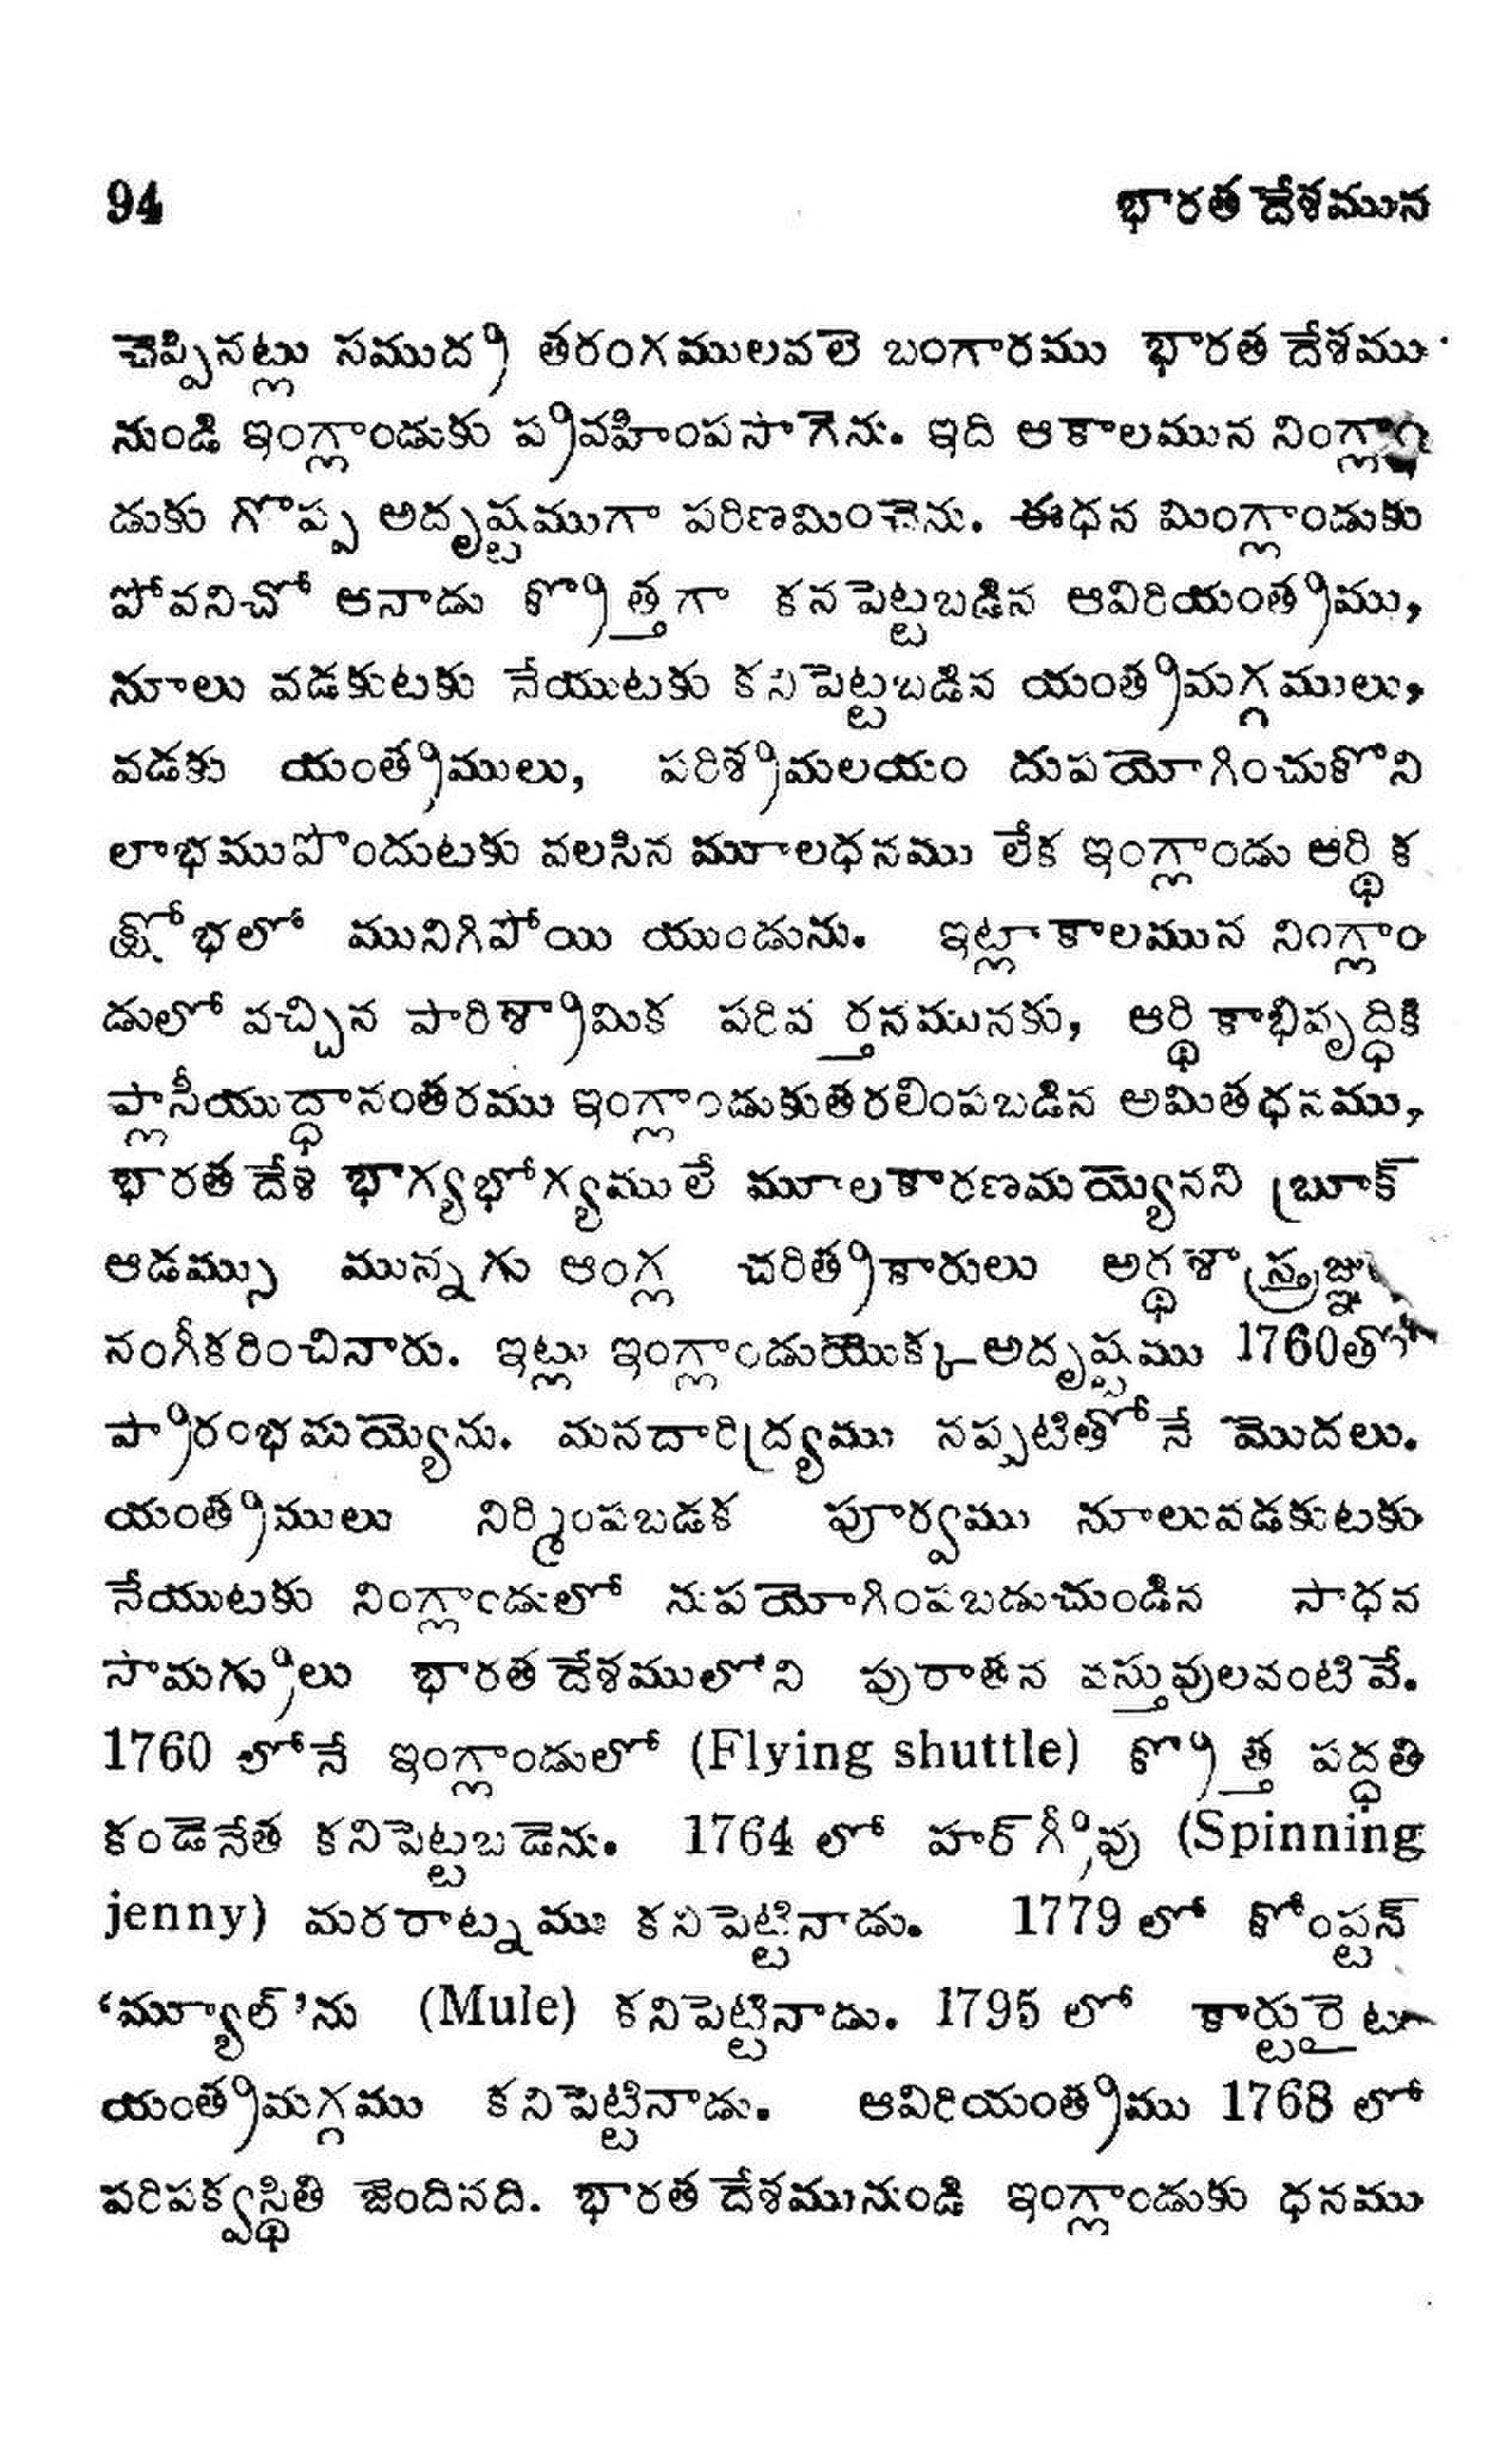చెప్పినట్లు సముద్ర తరంగములవలె బంగారము భారతదేశమునుండి ఇంగ్లాండుకు ప్రవహింపసాగెను. ఇది ఆకాలమున నింగ్లాండుకు గొప్ప అదృష్టముగా పరిణమించెను. ఈధన మింగ్లాండుకు పోవనిచో ఆనాడు క్రొత్తగా కనపెట్టబడిన ఆవిరియంత్రము, నూలు వడకుటకు నేయుటకు కనిపెట్టబడిన యంత్రమగ్గములు, వడకు యంత్రములు, పరిశ్రమలయం దుపయోగించుకొని లాభముపొందుటకు వలసిన మూలధనము లేక ఇంగ్లాండు ఆర్థిక క్షోభలో మునిగిపోయి యుండును. ఇట్లాకాలమున నింగ్లాండులో వచ్చిన పారిశ్రామిక పరివర్తనమునకు, ఆర్థికాభివృద్ధికి ప్లాసీయుద్ధానంతరము ఇంగ్లాండుకు తరలింపబడిన అమితధనము, భారతదేశ భాగ్యభోగ్యములే మూలకారణమయ్యెనని బ్రూక్ ఆడమ్సు మున్నగు ఆంగ్ల చరిత్రకారులు అర్థశాస్త్రజ్ఞులు నంగీకరించినారు. ఇట్లు ఇంగ్లాండు యొక్క అదృష్టము 1760తో ప్రారంభమయ్యెను. మనదారిద్ర్యము నప్పటితోనే మొదలు. యంత్రములు నిర్మింపబడక పూర్వము నూలువడకుటకు నేయుటకు నింగ్లాండులో నుపయోగింపబడుచుండిన సాధనసామగ్రులు భారతదేశములోని పురాతన వస్తువులవంటివే. 1760 లోనే ఇంగ్లాండులో (Flying shuttle) క్రొత్త పద్దతి కండెనేత కనిపెట్టబడెను. 1764 లో హర్‌గ్రీవు (Spinning jenny) మరరాట్నము కనిపెట్టినాడు. 1779 లో కోంప్టన్ 'మ్యూల్'ను (Mule) కని పెట్టినాడు. 1795 లో కార్టురైటు యంత్రమగ్గము కనిపెట్టినాడు. ఆవిరియంత్రము 1768 లో పరిపక్వస్థితి జెందినది. భారతదేశమునుండి ఇంగ్లాండుకు ధనము